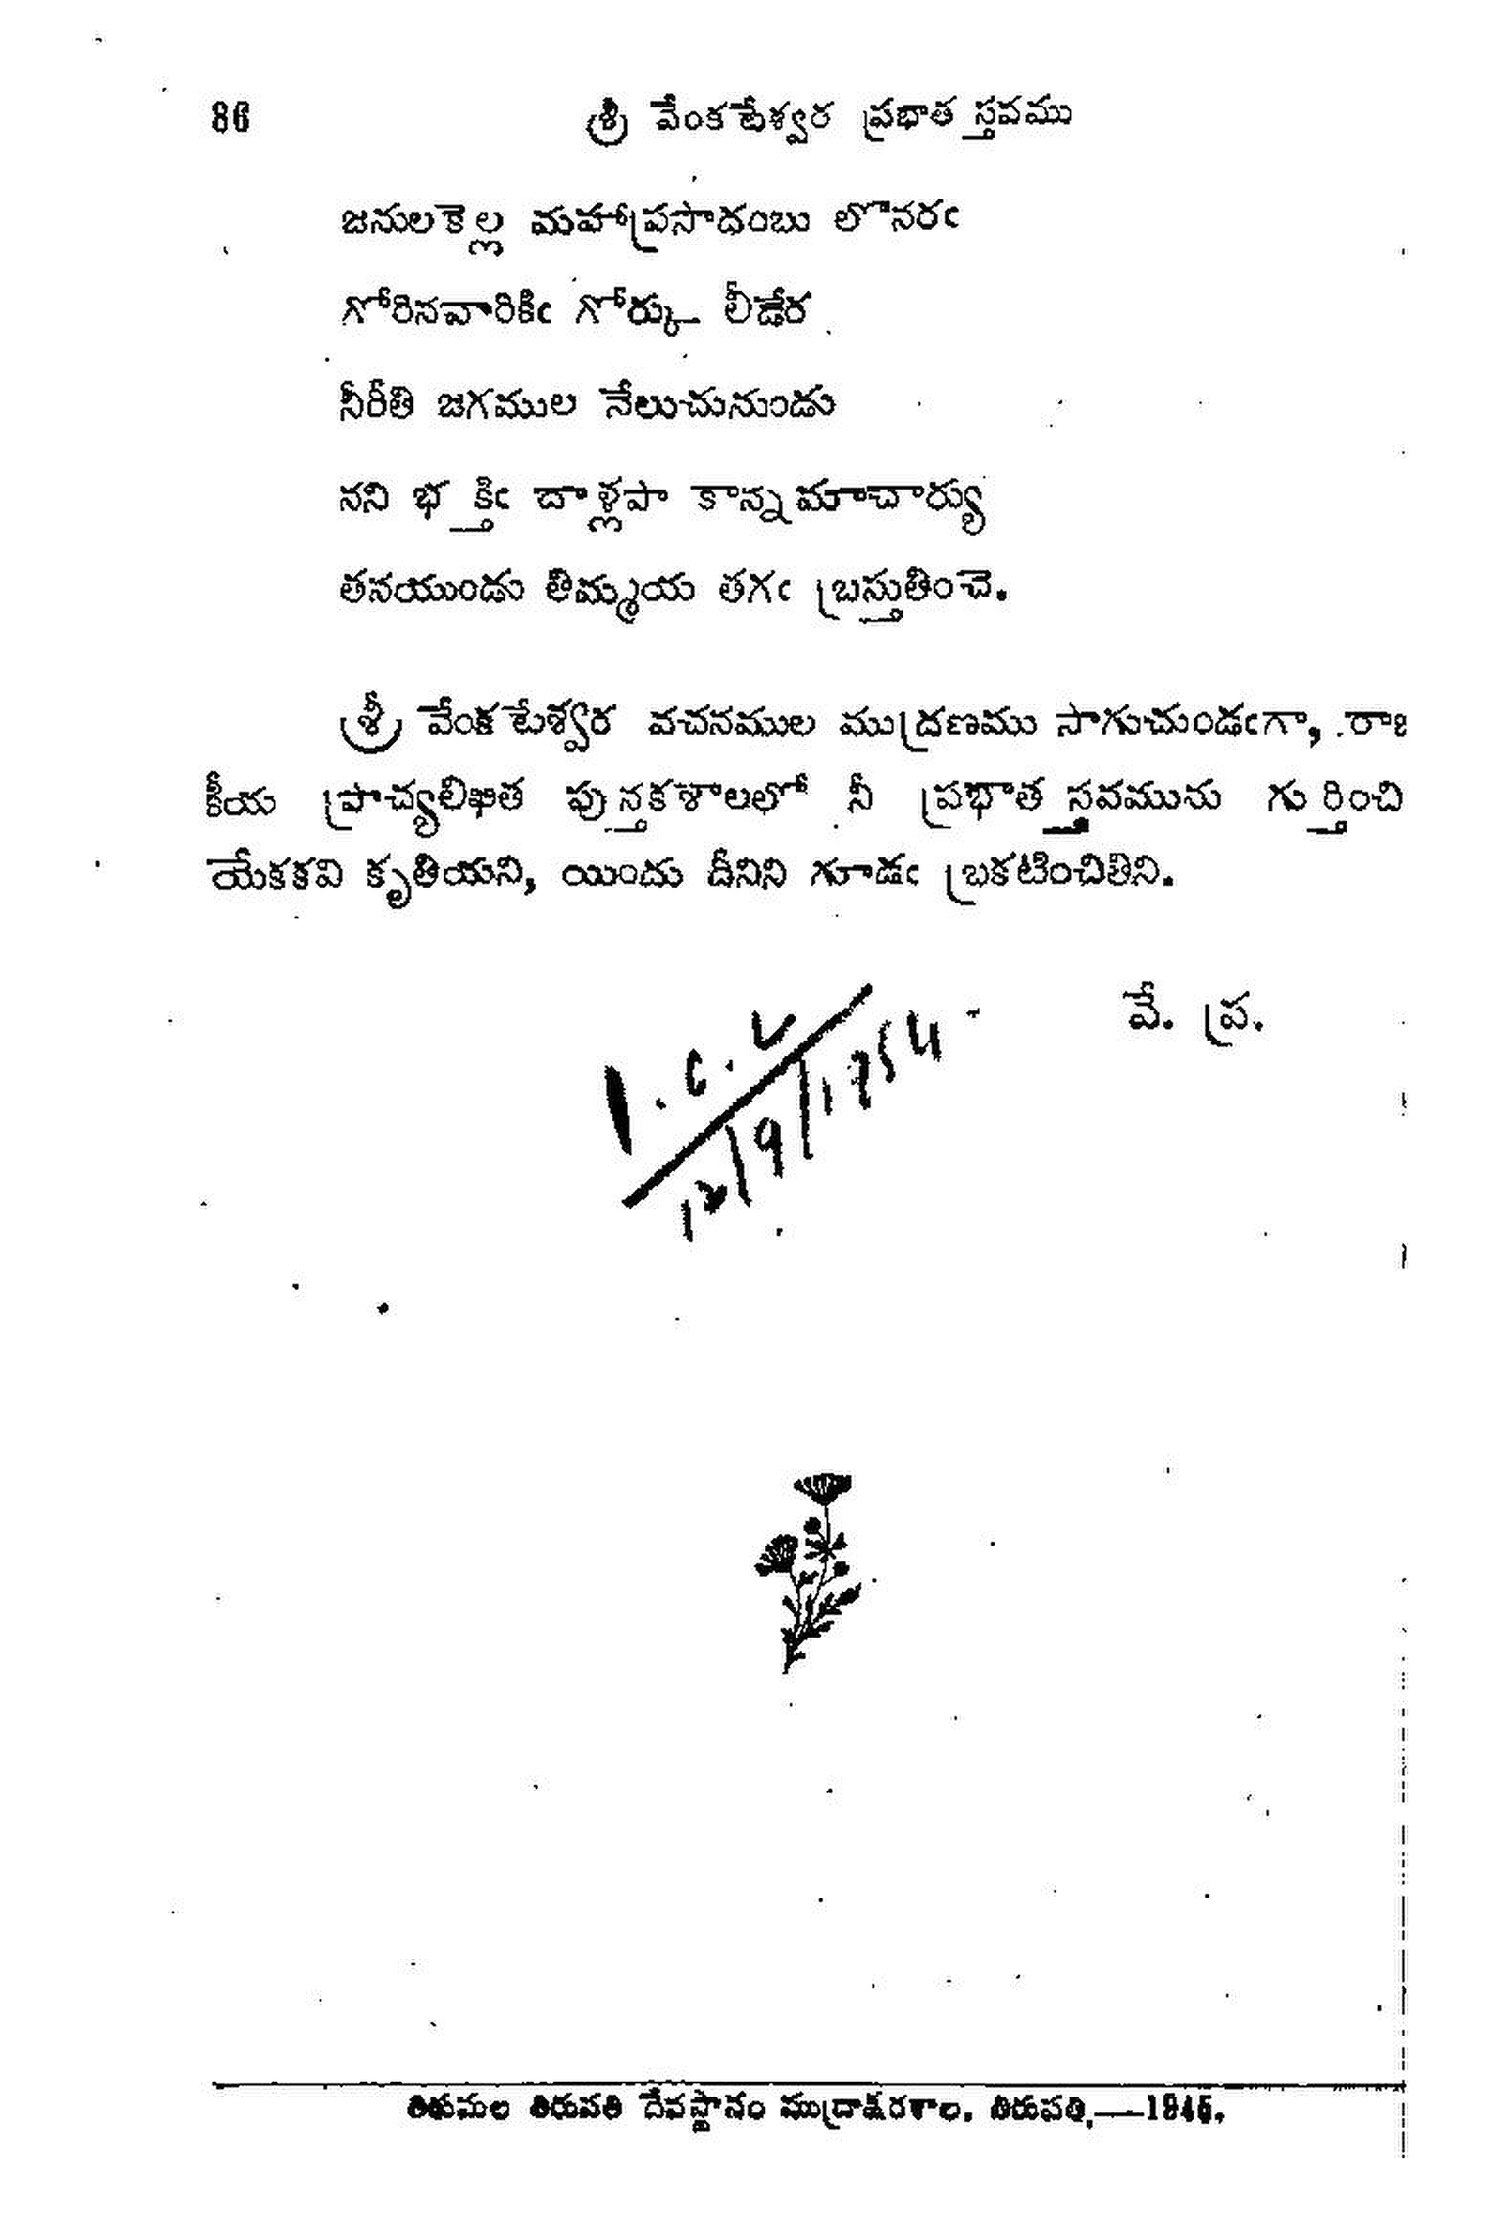జనులకెల్ల మహాప్రసాదంబు లొనరఁ 
గోరినవారికిఁ గోర్కు లీడేర,

నీరీతి జగముల నేలుచునుండు 
నని భక్తిఁ దాళ్లపా కాస్నమాచార్యు 

తనయుండు తిమ్మయ తగఁ బ్రస్తుతించె.

శ్రీ వేంకటేశ్వర వచనముల ముద్రణము సాగుచుండఁగా, రాజ కీయ ప్రాచ్యలిఖిత పుస్తకశాలలో నీ ప్రభాత స్తవమును గుర్తించి యేక కవి కృతియని, యిందు దీనిని గూడఁ బ్రకటించితిని.

వే. ప్ర.